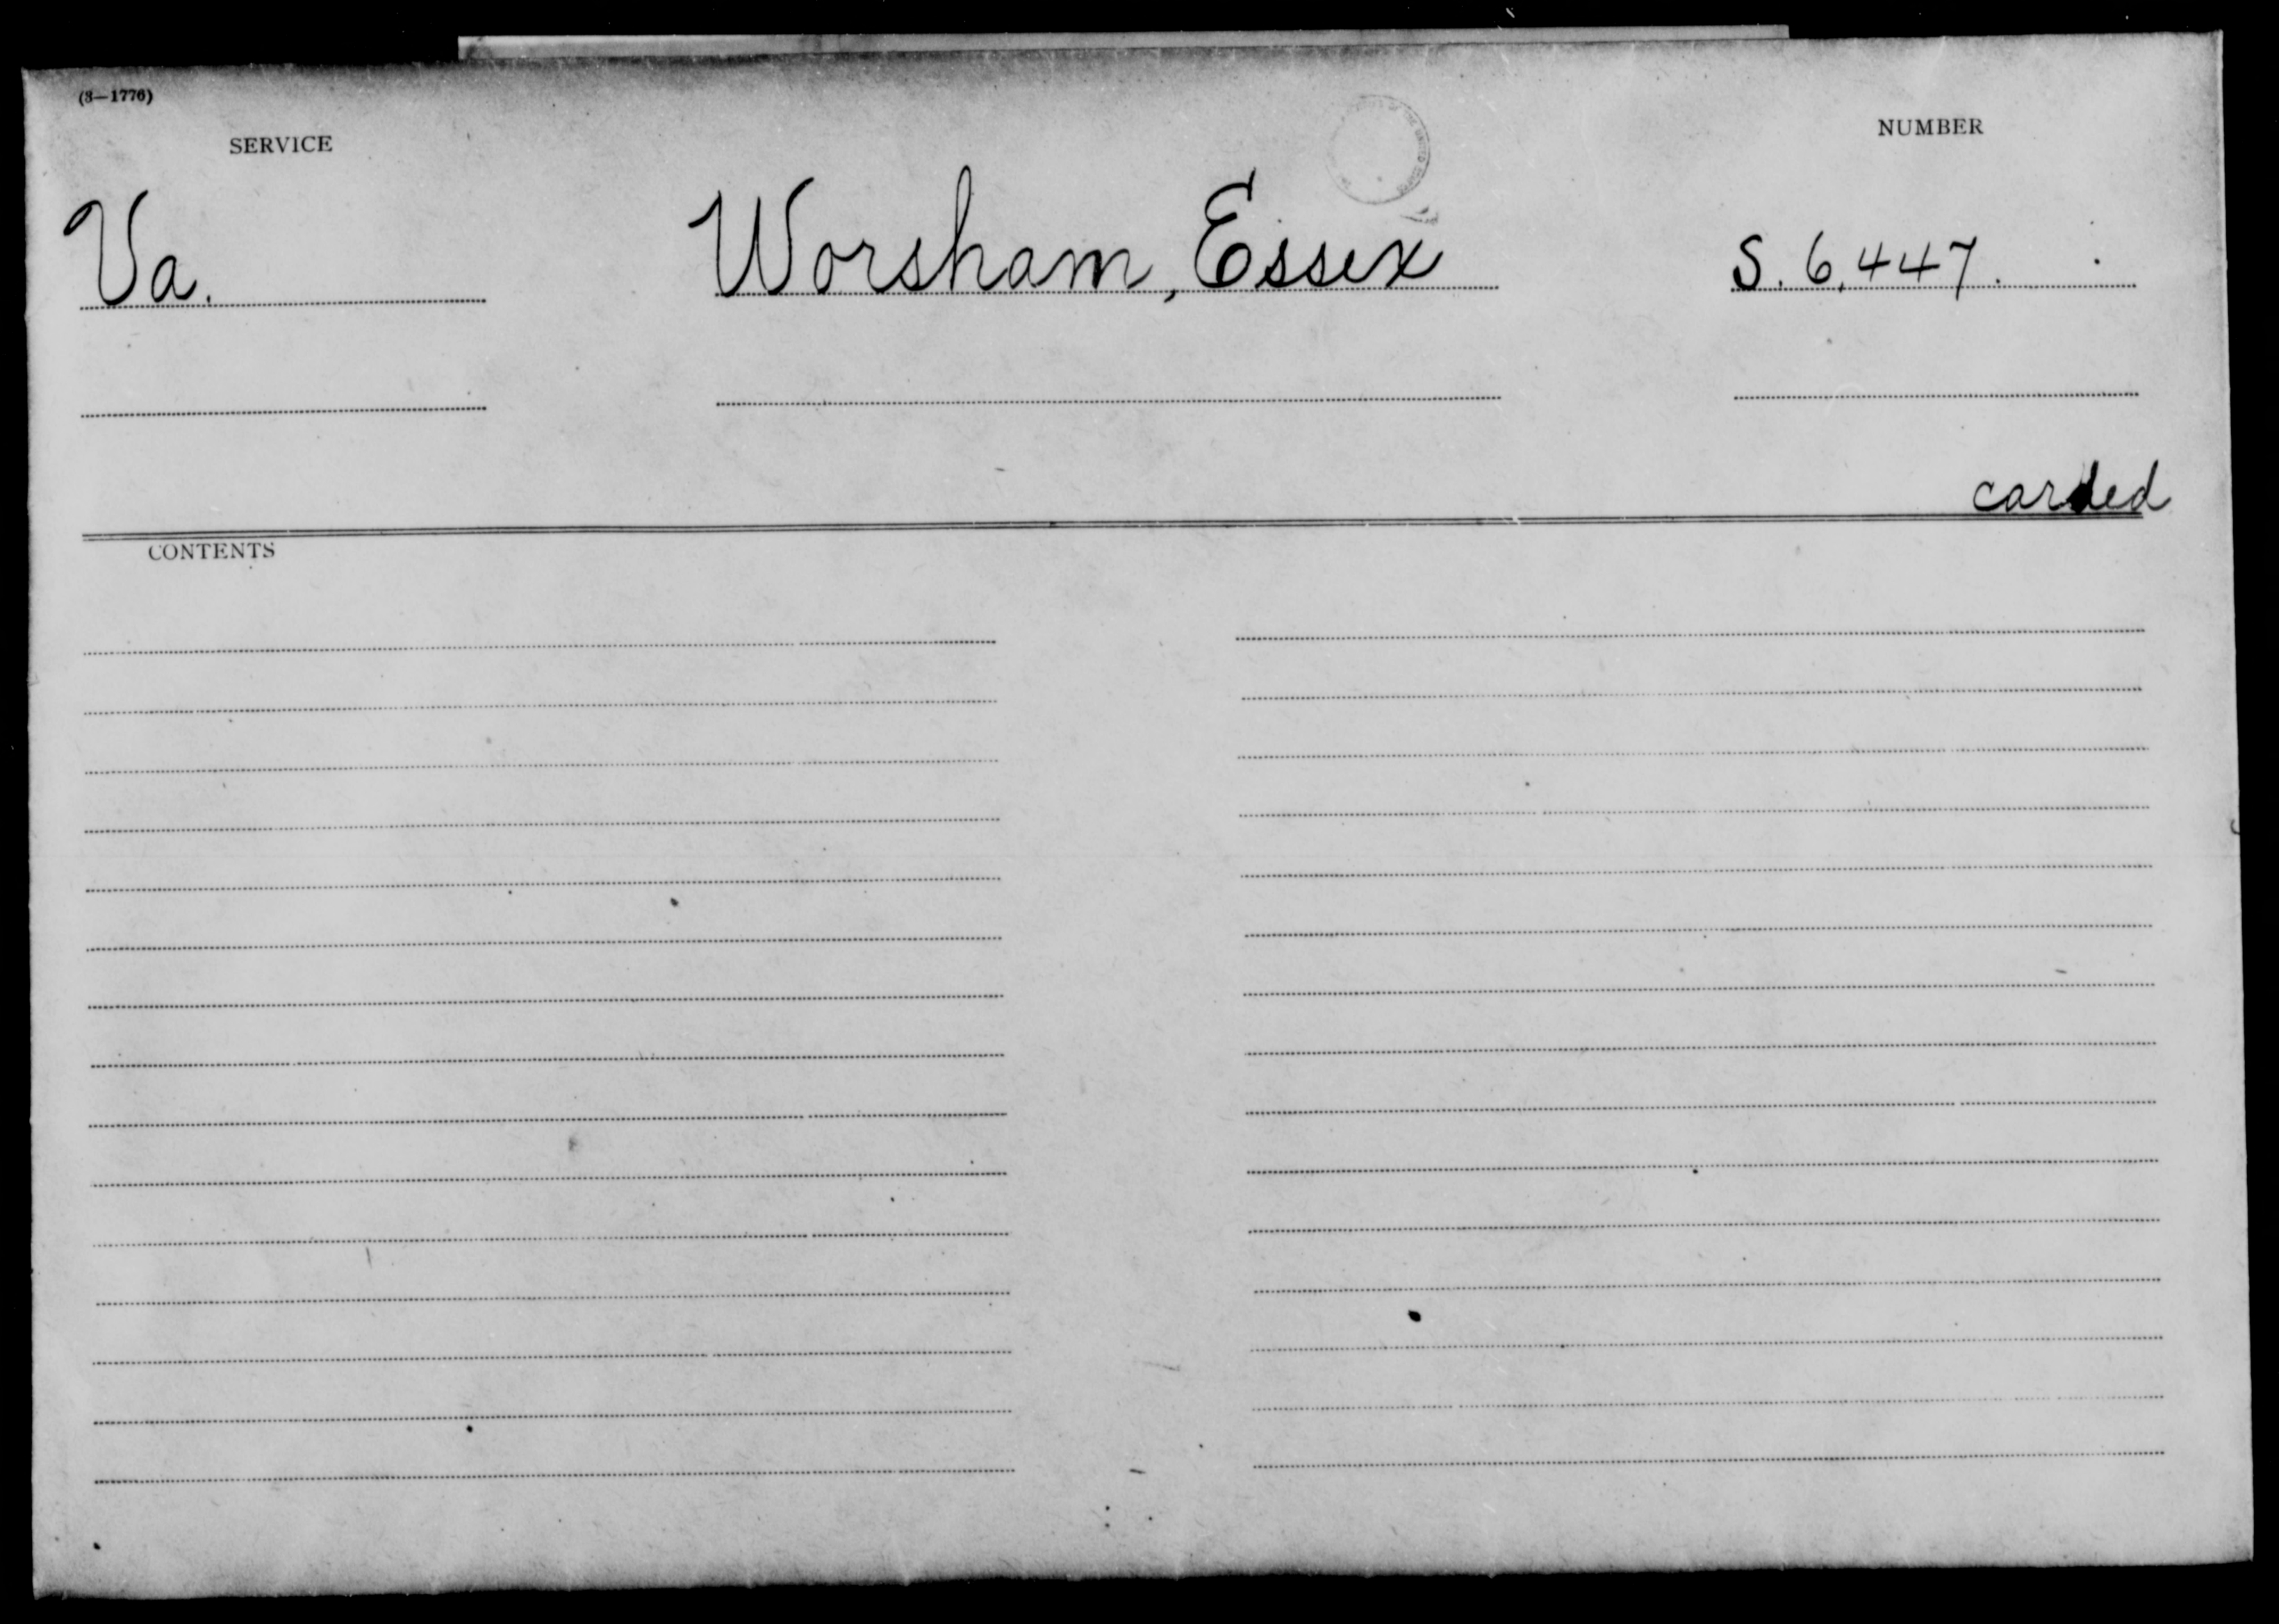(3 - 1776)
Va.
SERVICE
[stamp illegible]
Worsham, Essex
NUMBER
S. 6,447.
carded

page: 1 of 16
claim: survivor's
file: S. 6,447, Essex Worsham, Va.